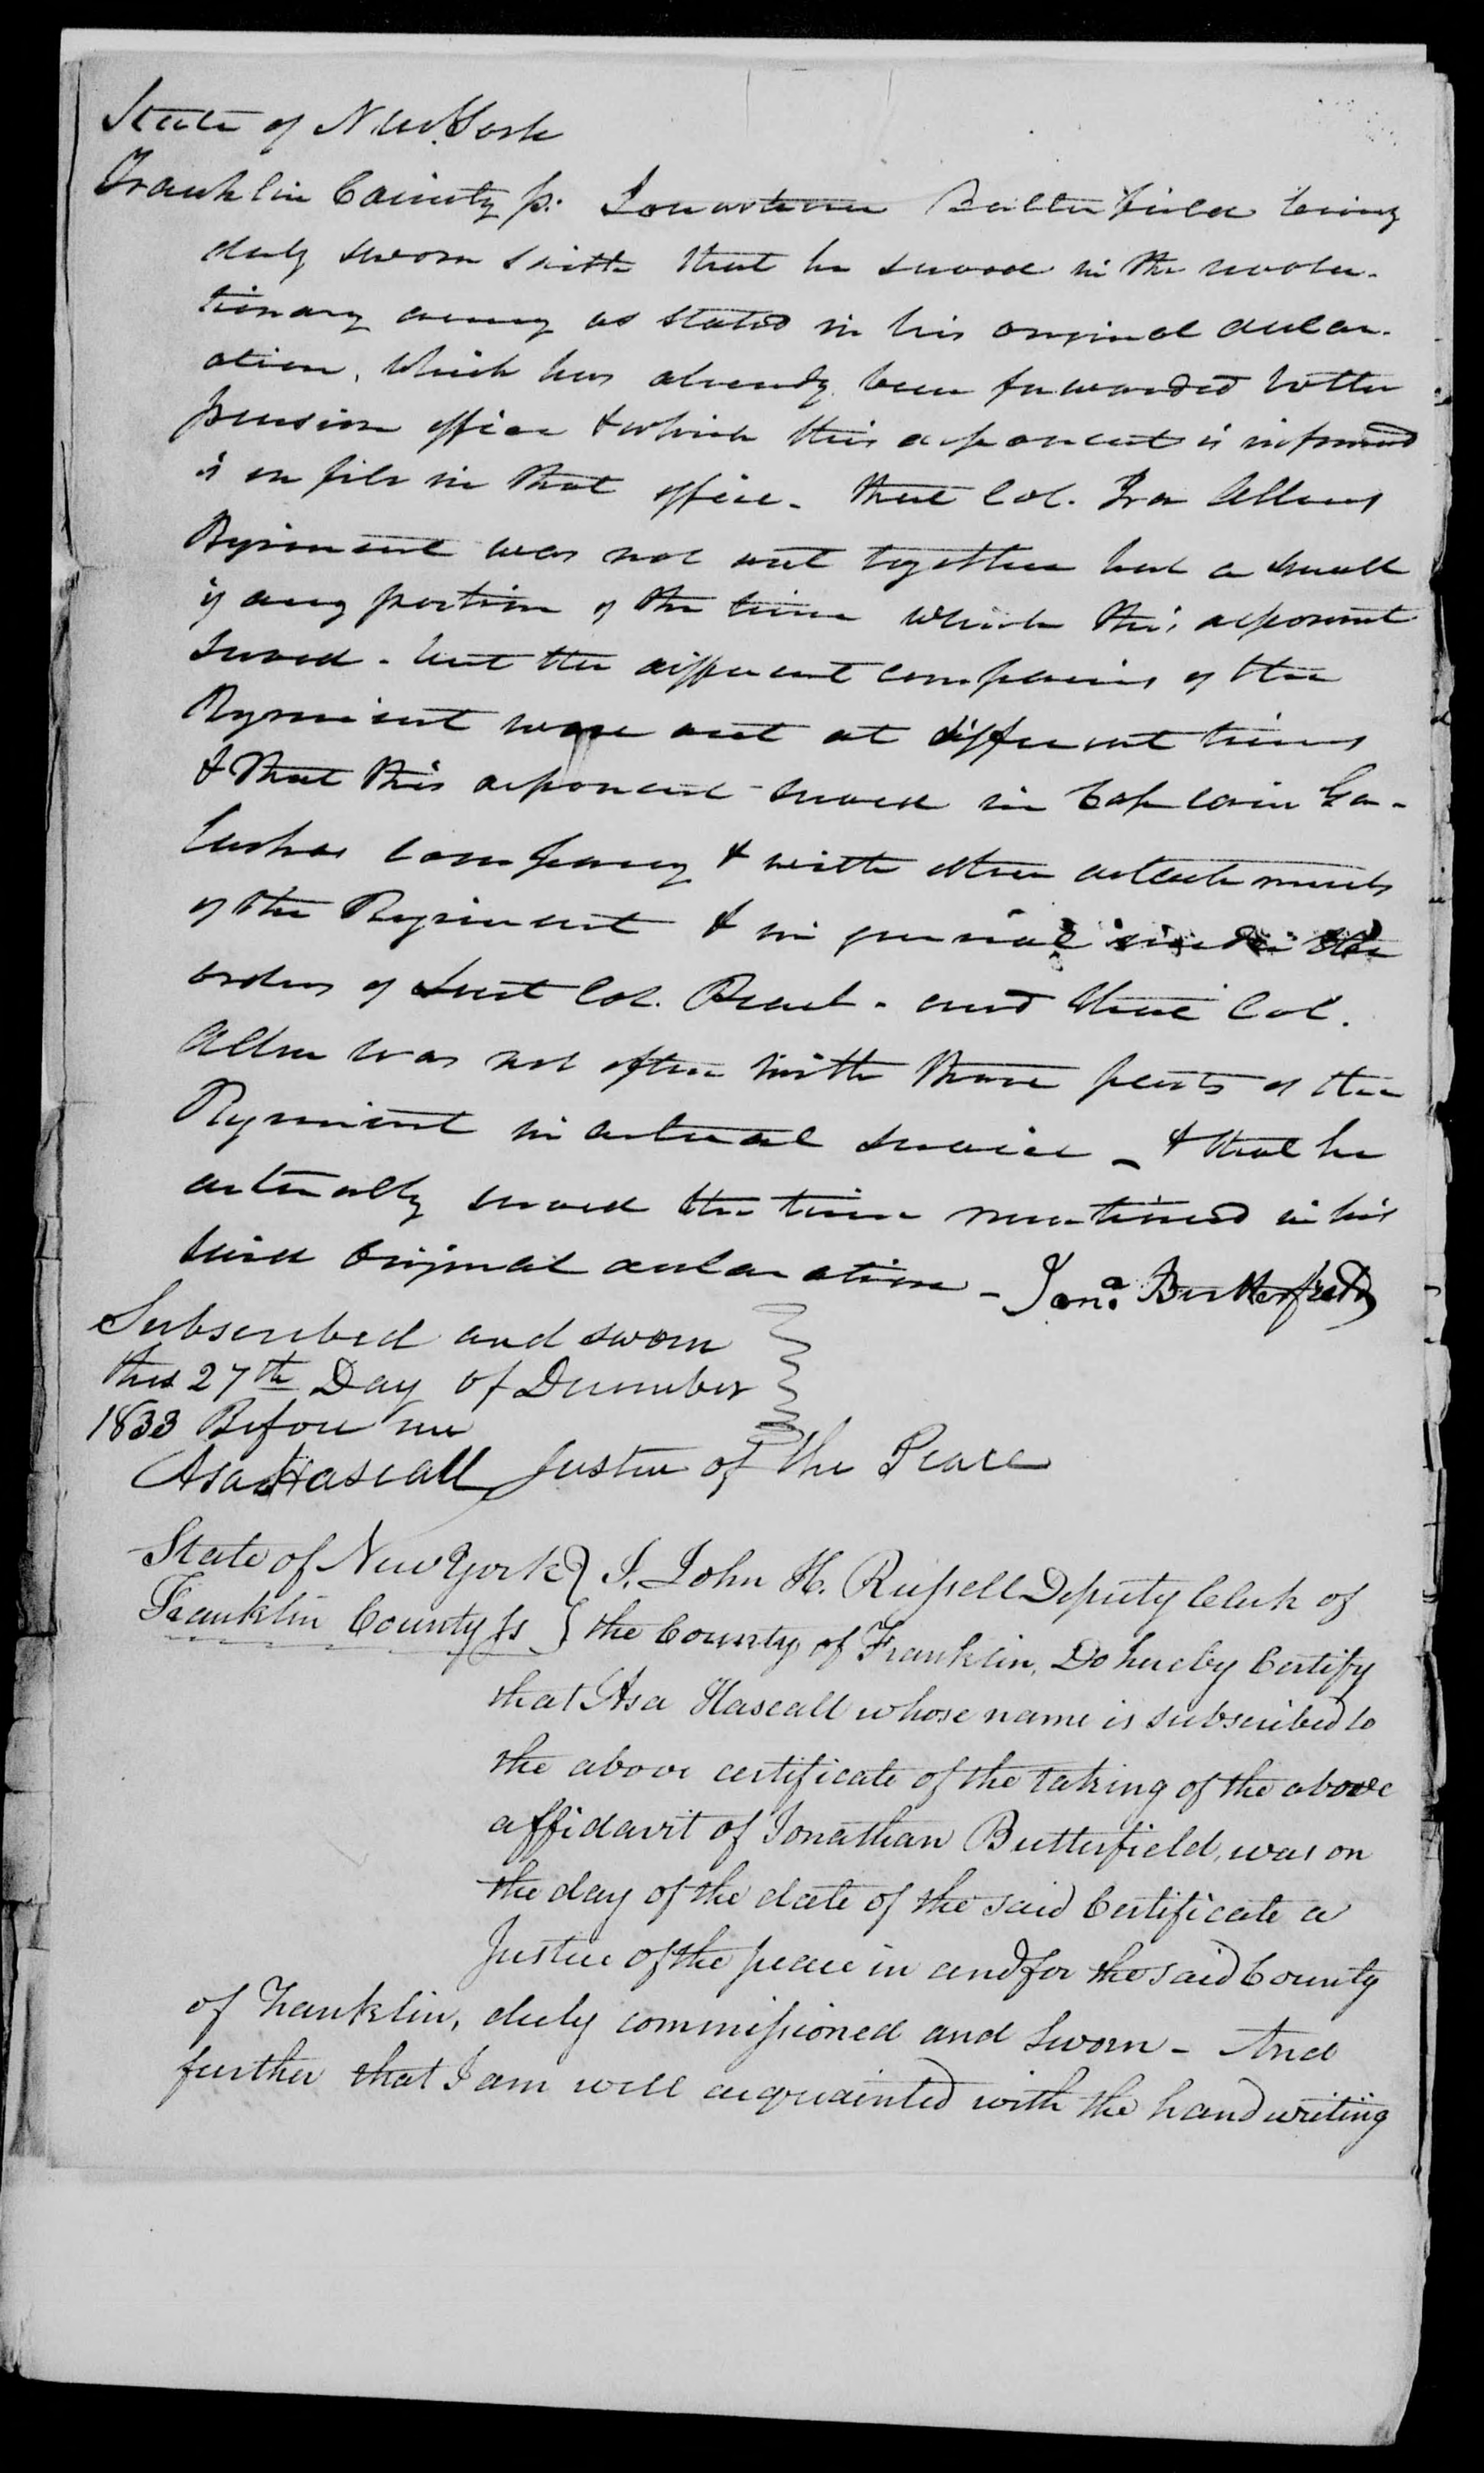State of New York
Franklin County ss
Justin Butterfield being duly sworn saith that he served in the revolutionary war as stated in his original declaration, which has already been forwarded to the pension office & which this deponent is informed on file in that office that Col. Ira allows that Regiment was not out together had a small if any portion of the time which this  applicant served but the different companies of the Regiment were out at different times & that this deponent served in Captain Cahasas (?)  company & with other attachments
of the Regiment & in ____ the order of Col Brash and that Col Allen was not often with these parts of the Regiment in actual service & that he
actually served the time mentioned in his
said original declaration
                                               Jonathan Butterfield

Subscribed and sworn this  27th Day of December Before me
Asa Hassall Justice of the Peace


State of New York ⎬ 
Franklin County ss ⎬ 
I, John H. Russell Deputy Clerk of the County of Franklin, do hereby certify that Asa Hascall whose name is subscribed to the above certificate of the taking of the above affidavit of Jonathan Butterfield, was on the day of the date of the said Certificate a Justice of the peace in and for the said County of Franklin, duly commissioned and sworn- And further that I am well acquainted with the handwriting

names: Asa Hascall, John H Russell, Jona Butterfield, Jonathan Butterfield, Asa Hascall, Allen, Ira Allen, Jonathan Butterfield, Pearl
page: 11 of 40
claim: rejected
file: R. 1558, Jonathan Butterfield, Mass. Vt.